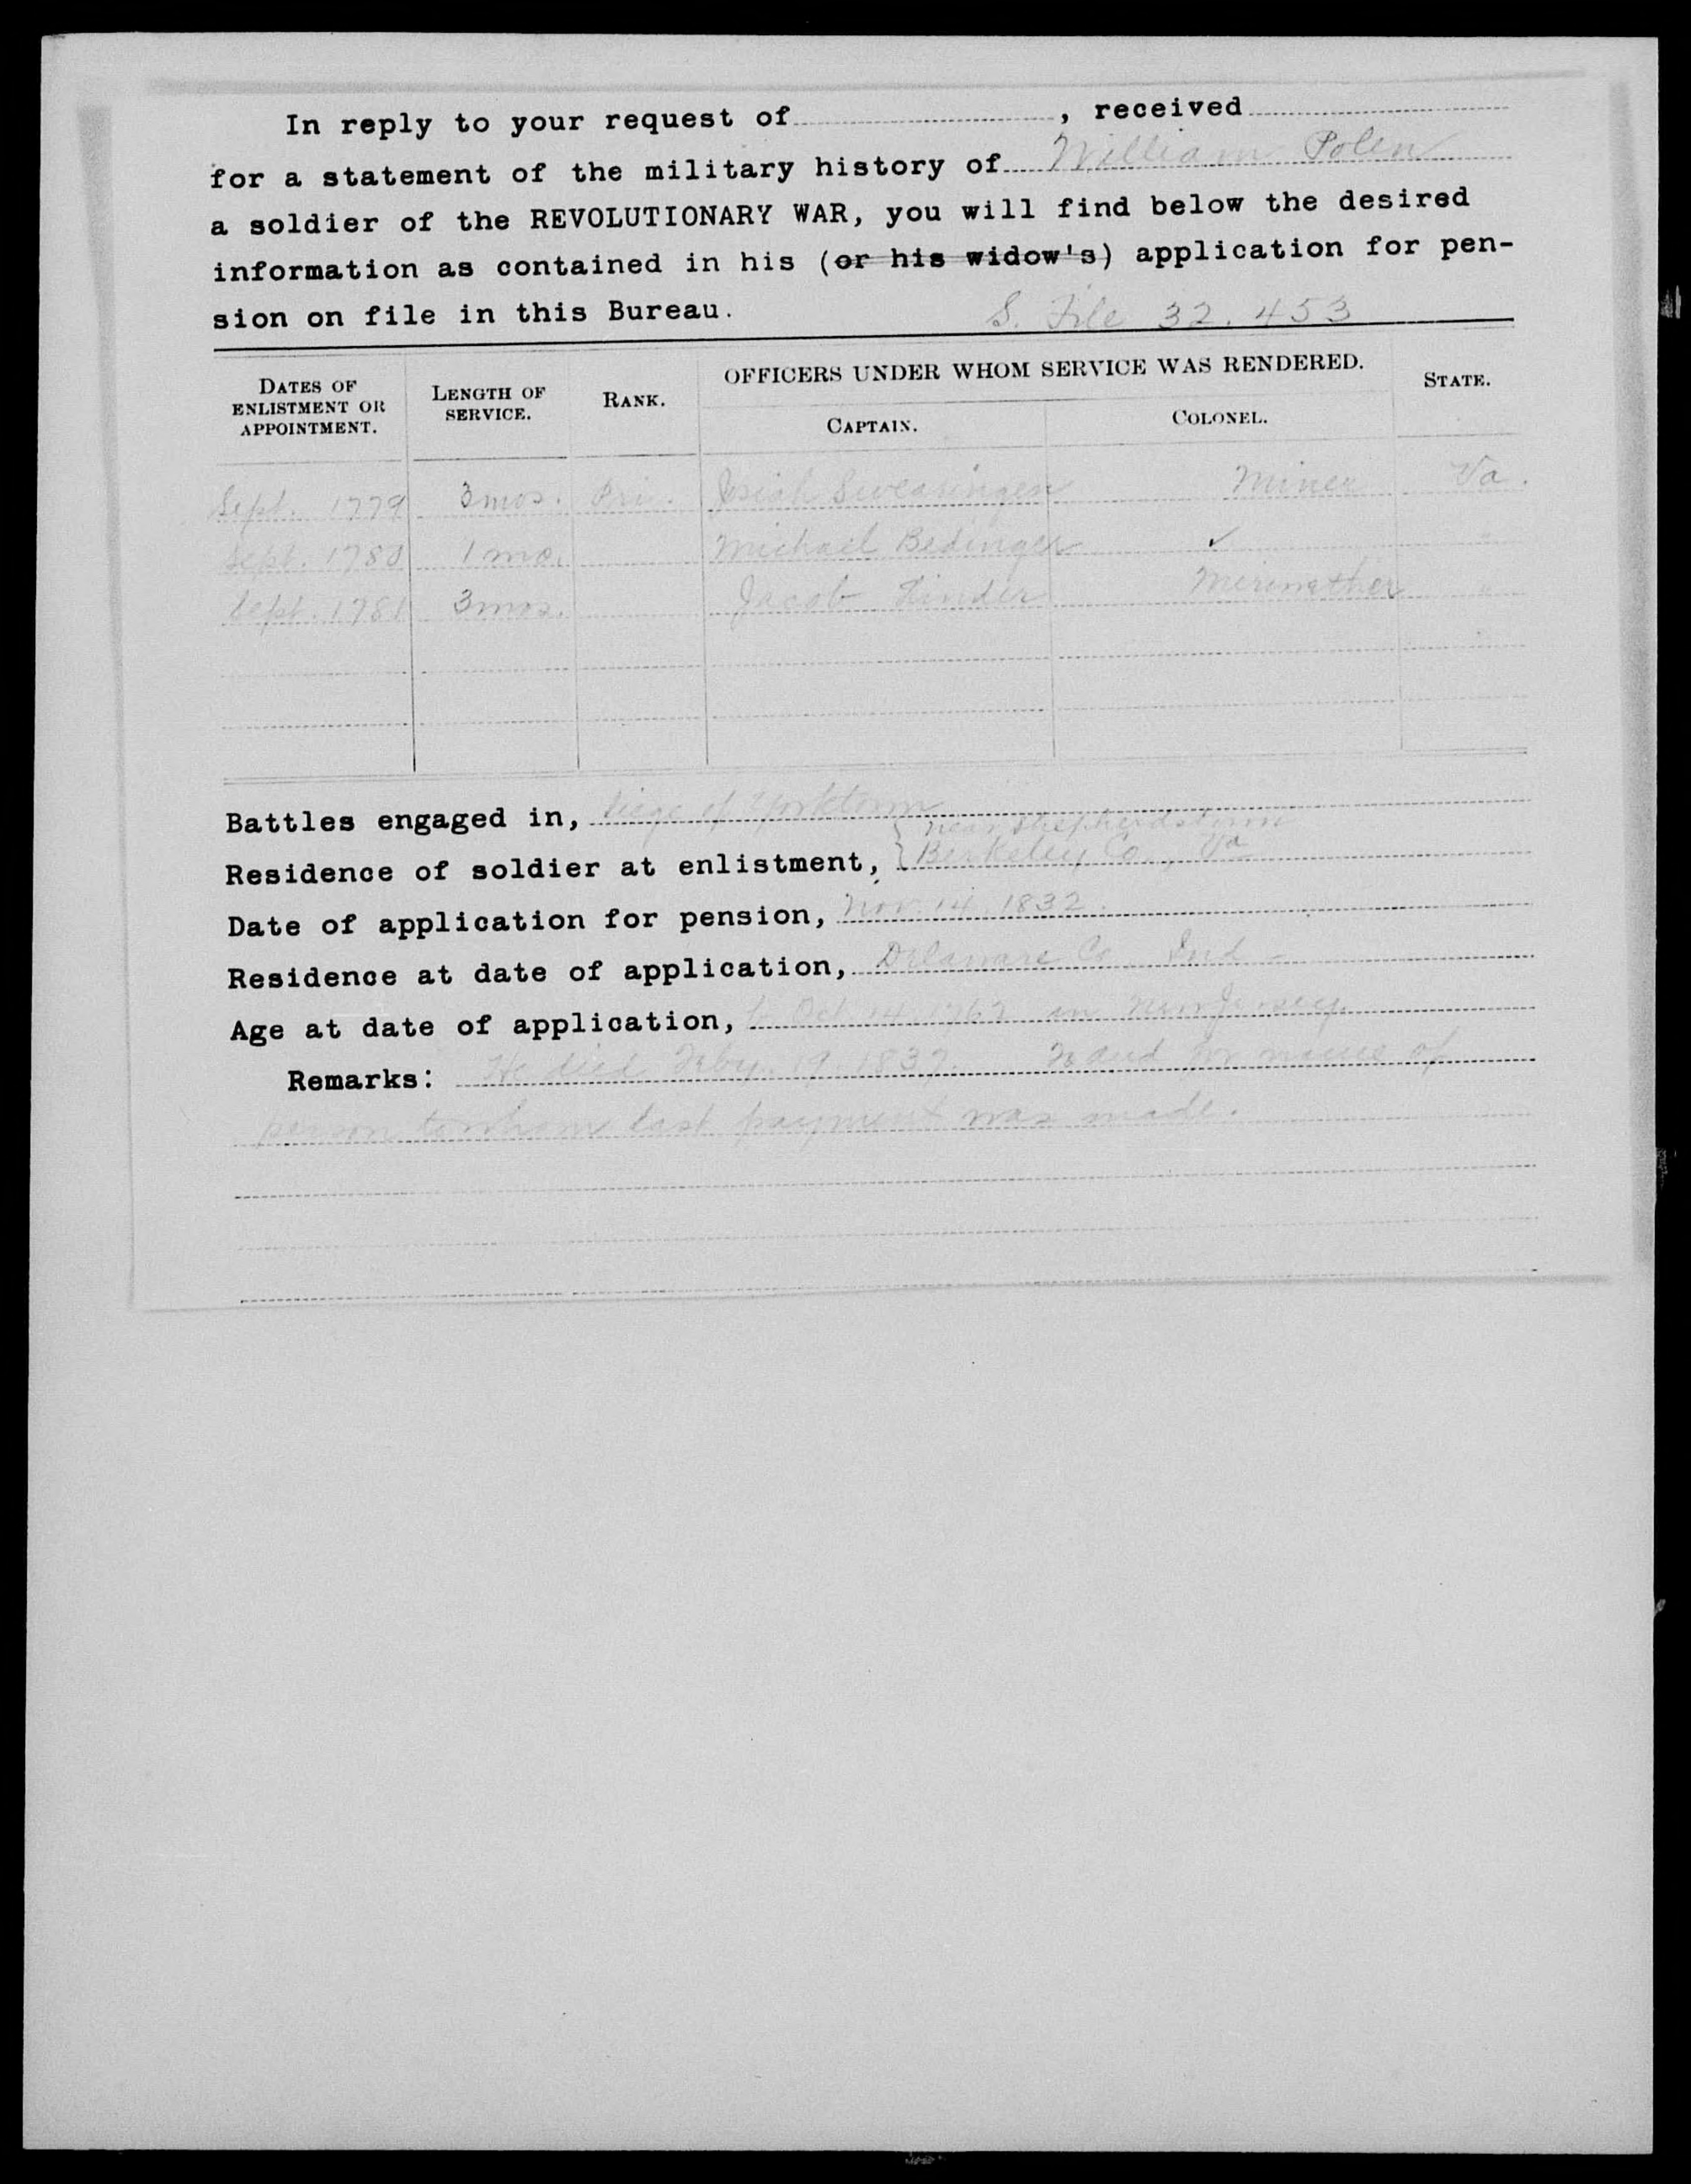In reply to your request of ___, received ___ for a statement of the military history of William Polen a soldier of the REVOLUTIONARY WAR, you will find below the desired information as contained in his ([marked out: or his widow's]) application for pension on file in this Bureau.  S. File 31, 453

DATES OF ENLISTMENT OR APPOINTMENT   |   LENGTHOF SERVICE.   \   RANK.  |   OFFICERS UNDER WHOM SERVICE WAS RENDERED.   |   STATE.
Sept. 1779   | 3 mos.   |   Pri.   |   Captain Josiah Swearingen  Colonel Miner   |  Va.
Sept. 1780   |   1 mo.   |   ___  |   Captain Michael Bedinger  [check mark]   |   ___
Sept. 1781   |   3 mos.   |   ___   |   Captain. Jacob Linder  Colonel Meriwether   |   ___

Battles engaged in, Siege of Yorktown
Residence of soldier at enlistment,  { near Shepherdstown Berkeley Co., Va
Date of application for pension, Nov. 14, 1832.
Residence at date for application, Delaware Co. Ind.
Age at application, b. Oct. 14, 1762 in New Jersey
Remarks:  He died Feby. 19, 1837,  {illegible] for name of person to whom last payment was made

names: [BLANK] Meriwether; [BLANK] Miner; Jacob Linder; Josiah Swearingen; William Polen; Michael Bedinger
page: 20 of 21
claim: survivor's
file: S. 32453, for William Polen, Virginia